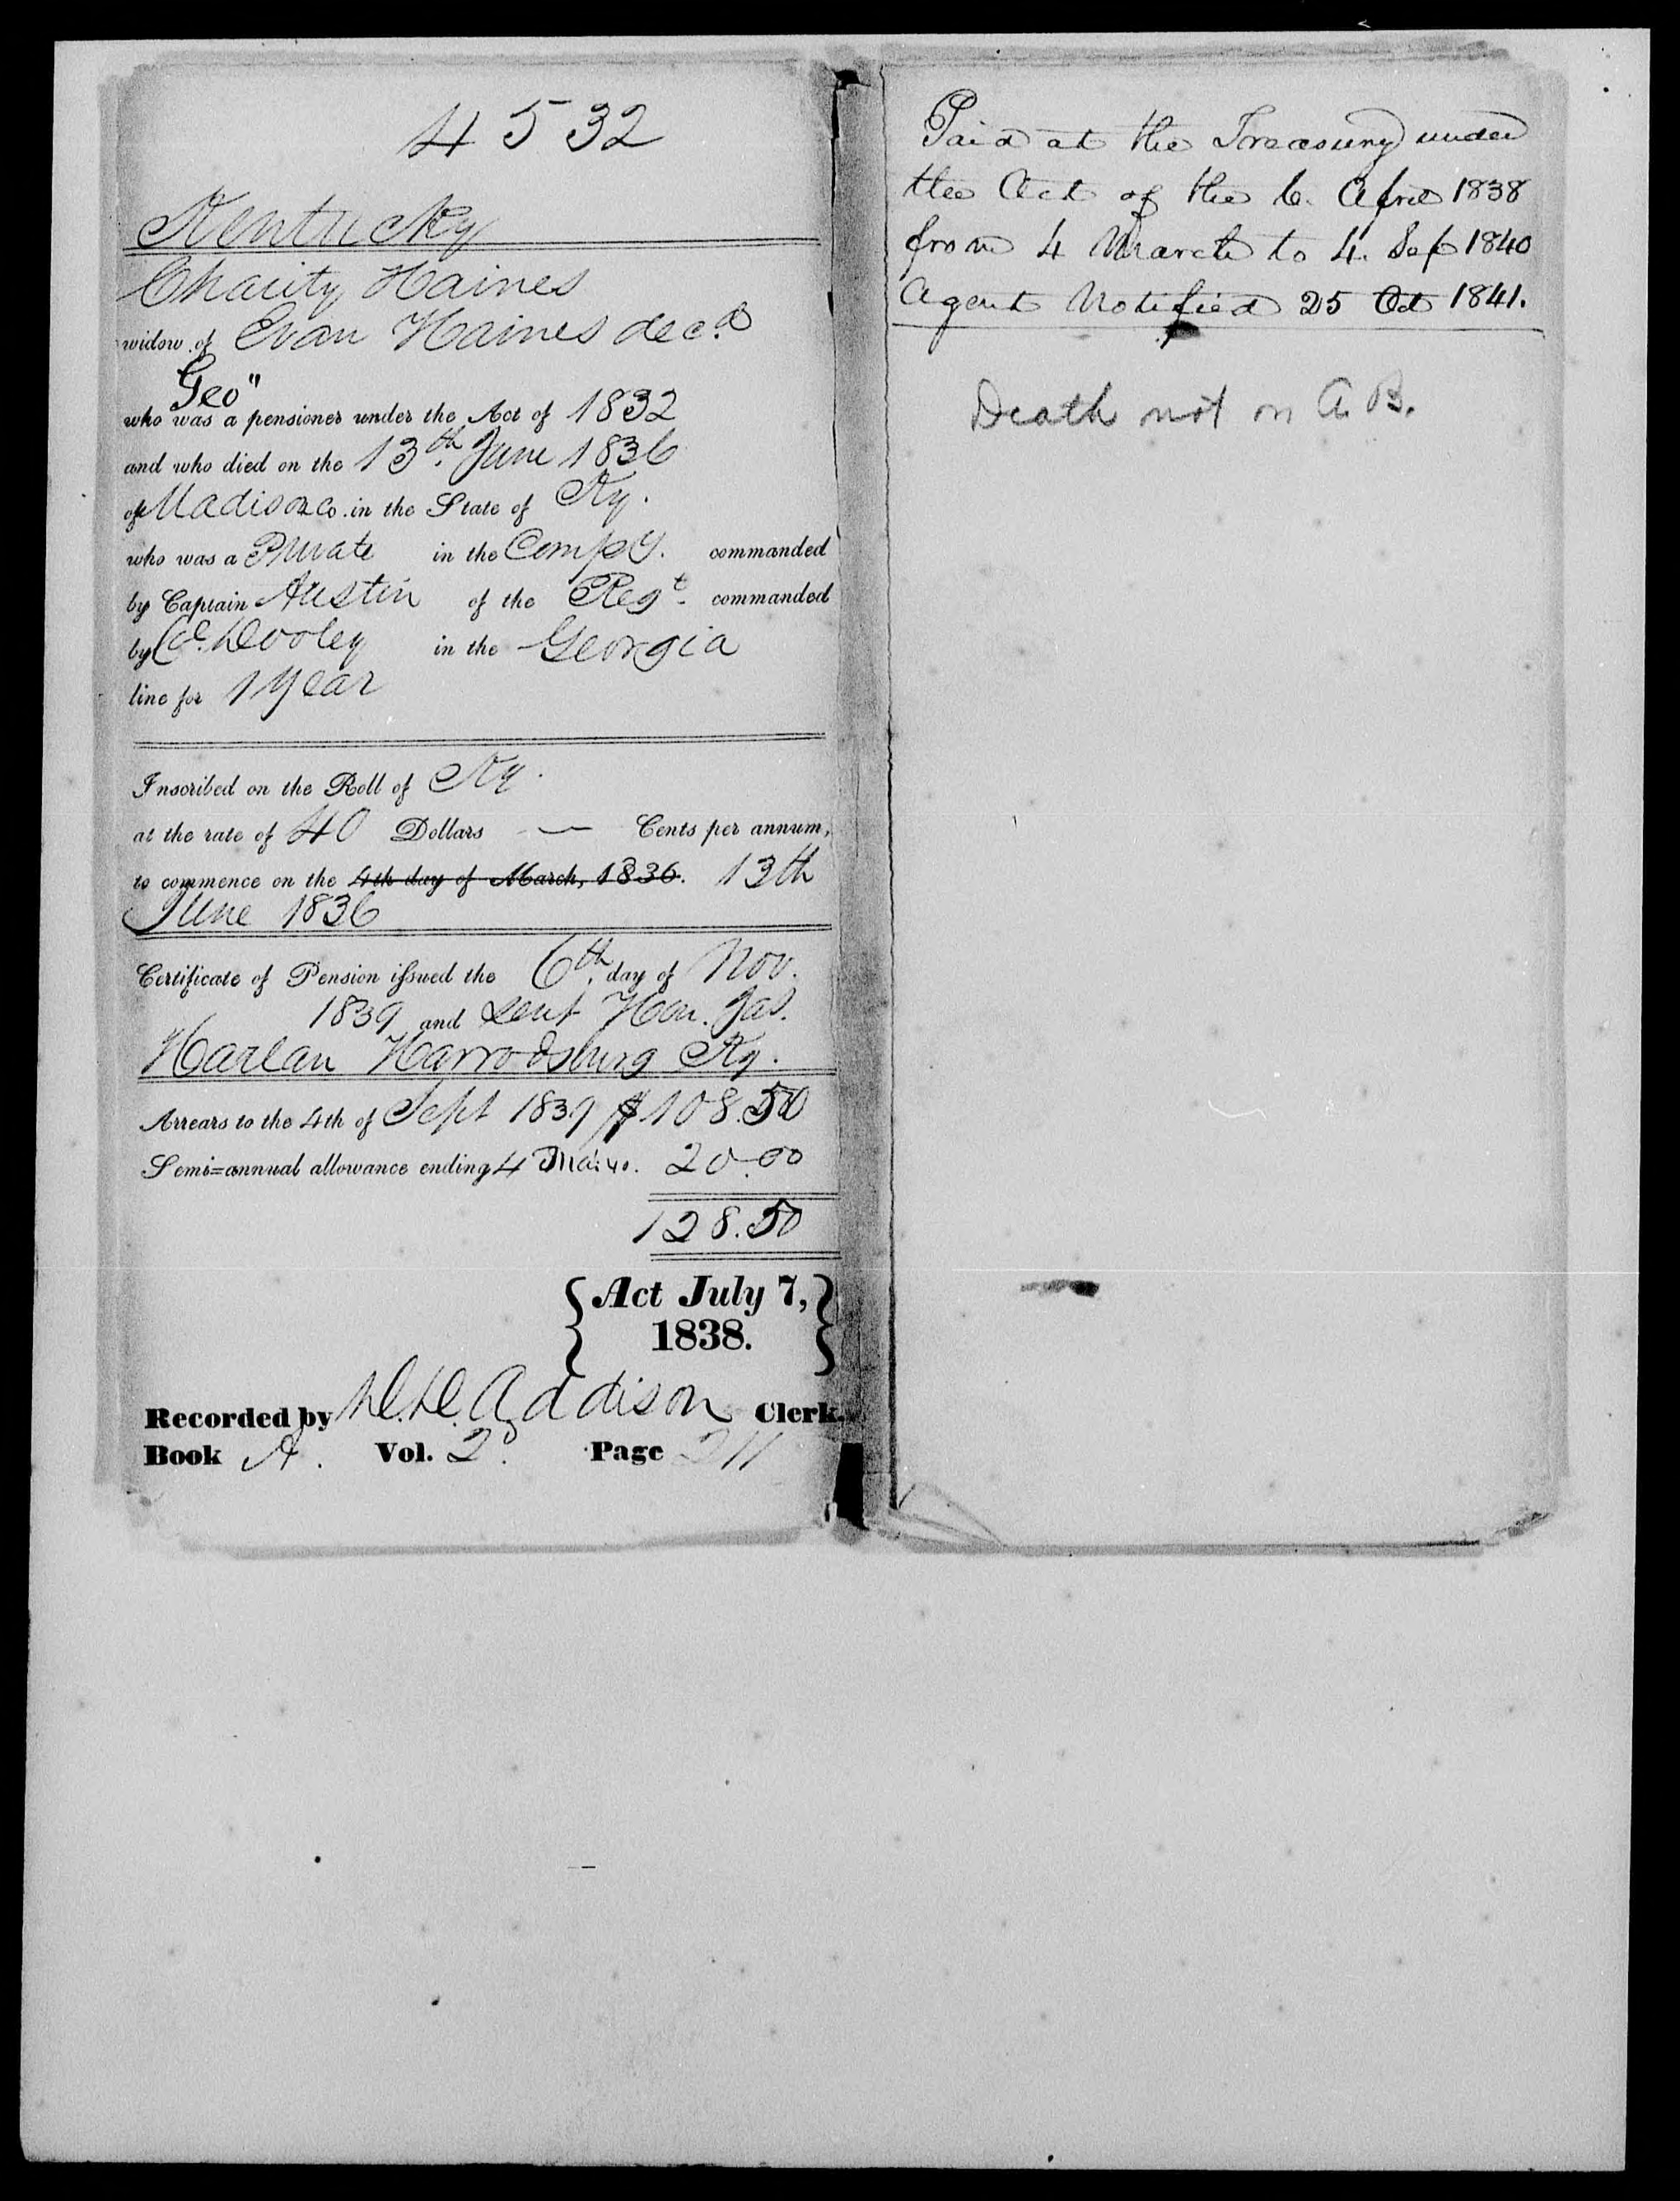H532
Kentucky
Charity Haines
Widow of Evan Haines dec.d
Geo"
who was a pensioner under the Act of 1832
and who died on the 13th. June 1836
of Madison Co in the State of Ky.
who was a Private in the Compy. commanded
by Captain Austin of the Regt. commanded
by Cl. Dooley
in the Georgia 
line for 1 year
Inscribed on the Roll of Ky.
at the rate of 40 Dollars-Cents per annum,
to commence on the (4th day of March 1836) crossed out
13th June 1836
Certificate of Pension issued the 6th day of Nov.
1839 and sent Hon. Jas.
Harlan Harrodsburg, Ky.
Arrears of the 4th of Sept. 1839             $108.50
Semi=annual allowance ending 4 [March] 20.00
                                                                        128.50
                                                       {Act July 7,}
                                                         {      1838.    }
Recorded by D.D. Addison                             Clerk
Book A         Vol.2            Page 211

Paid at the Treasury under
the Act of the 6 April 1838
From 4 March to 4 Sept 1840
Agent Notified 25 Oct. 1841.
_______________________________
Death not on A.B.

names: Austin, Dooley, Jas Harlan, D D Addison, Charity Haines, Evan Haines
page: 3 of 34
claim: widow's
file: W. 8897, Evan Haines, Ga